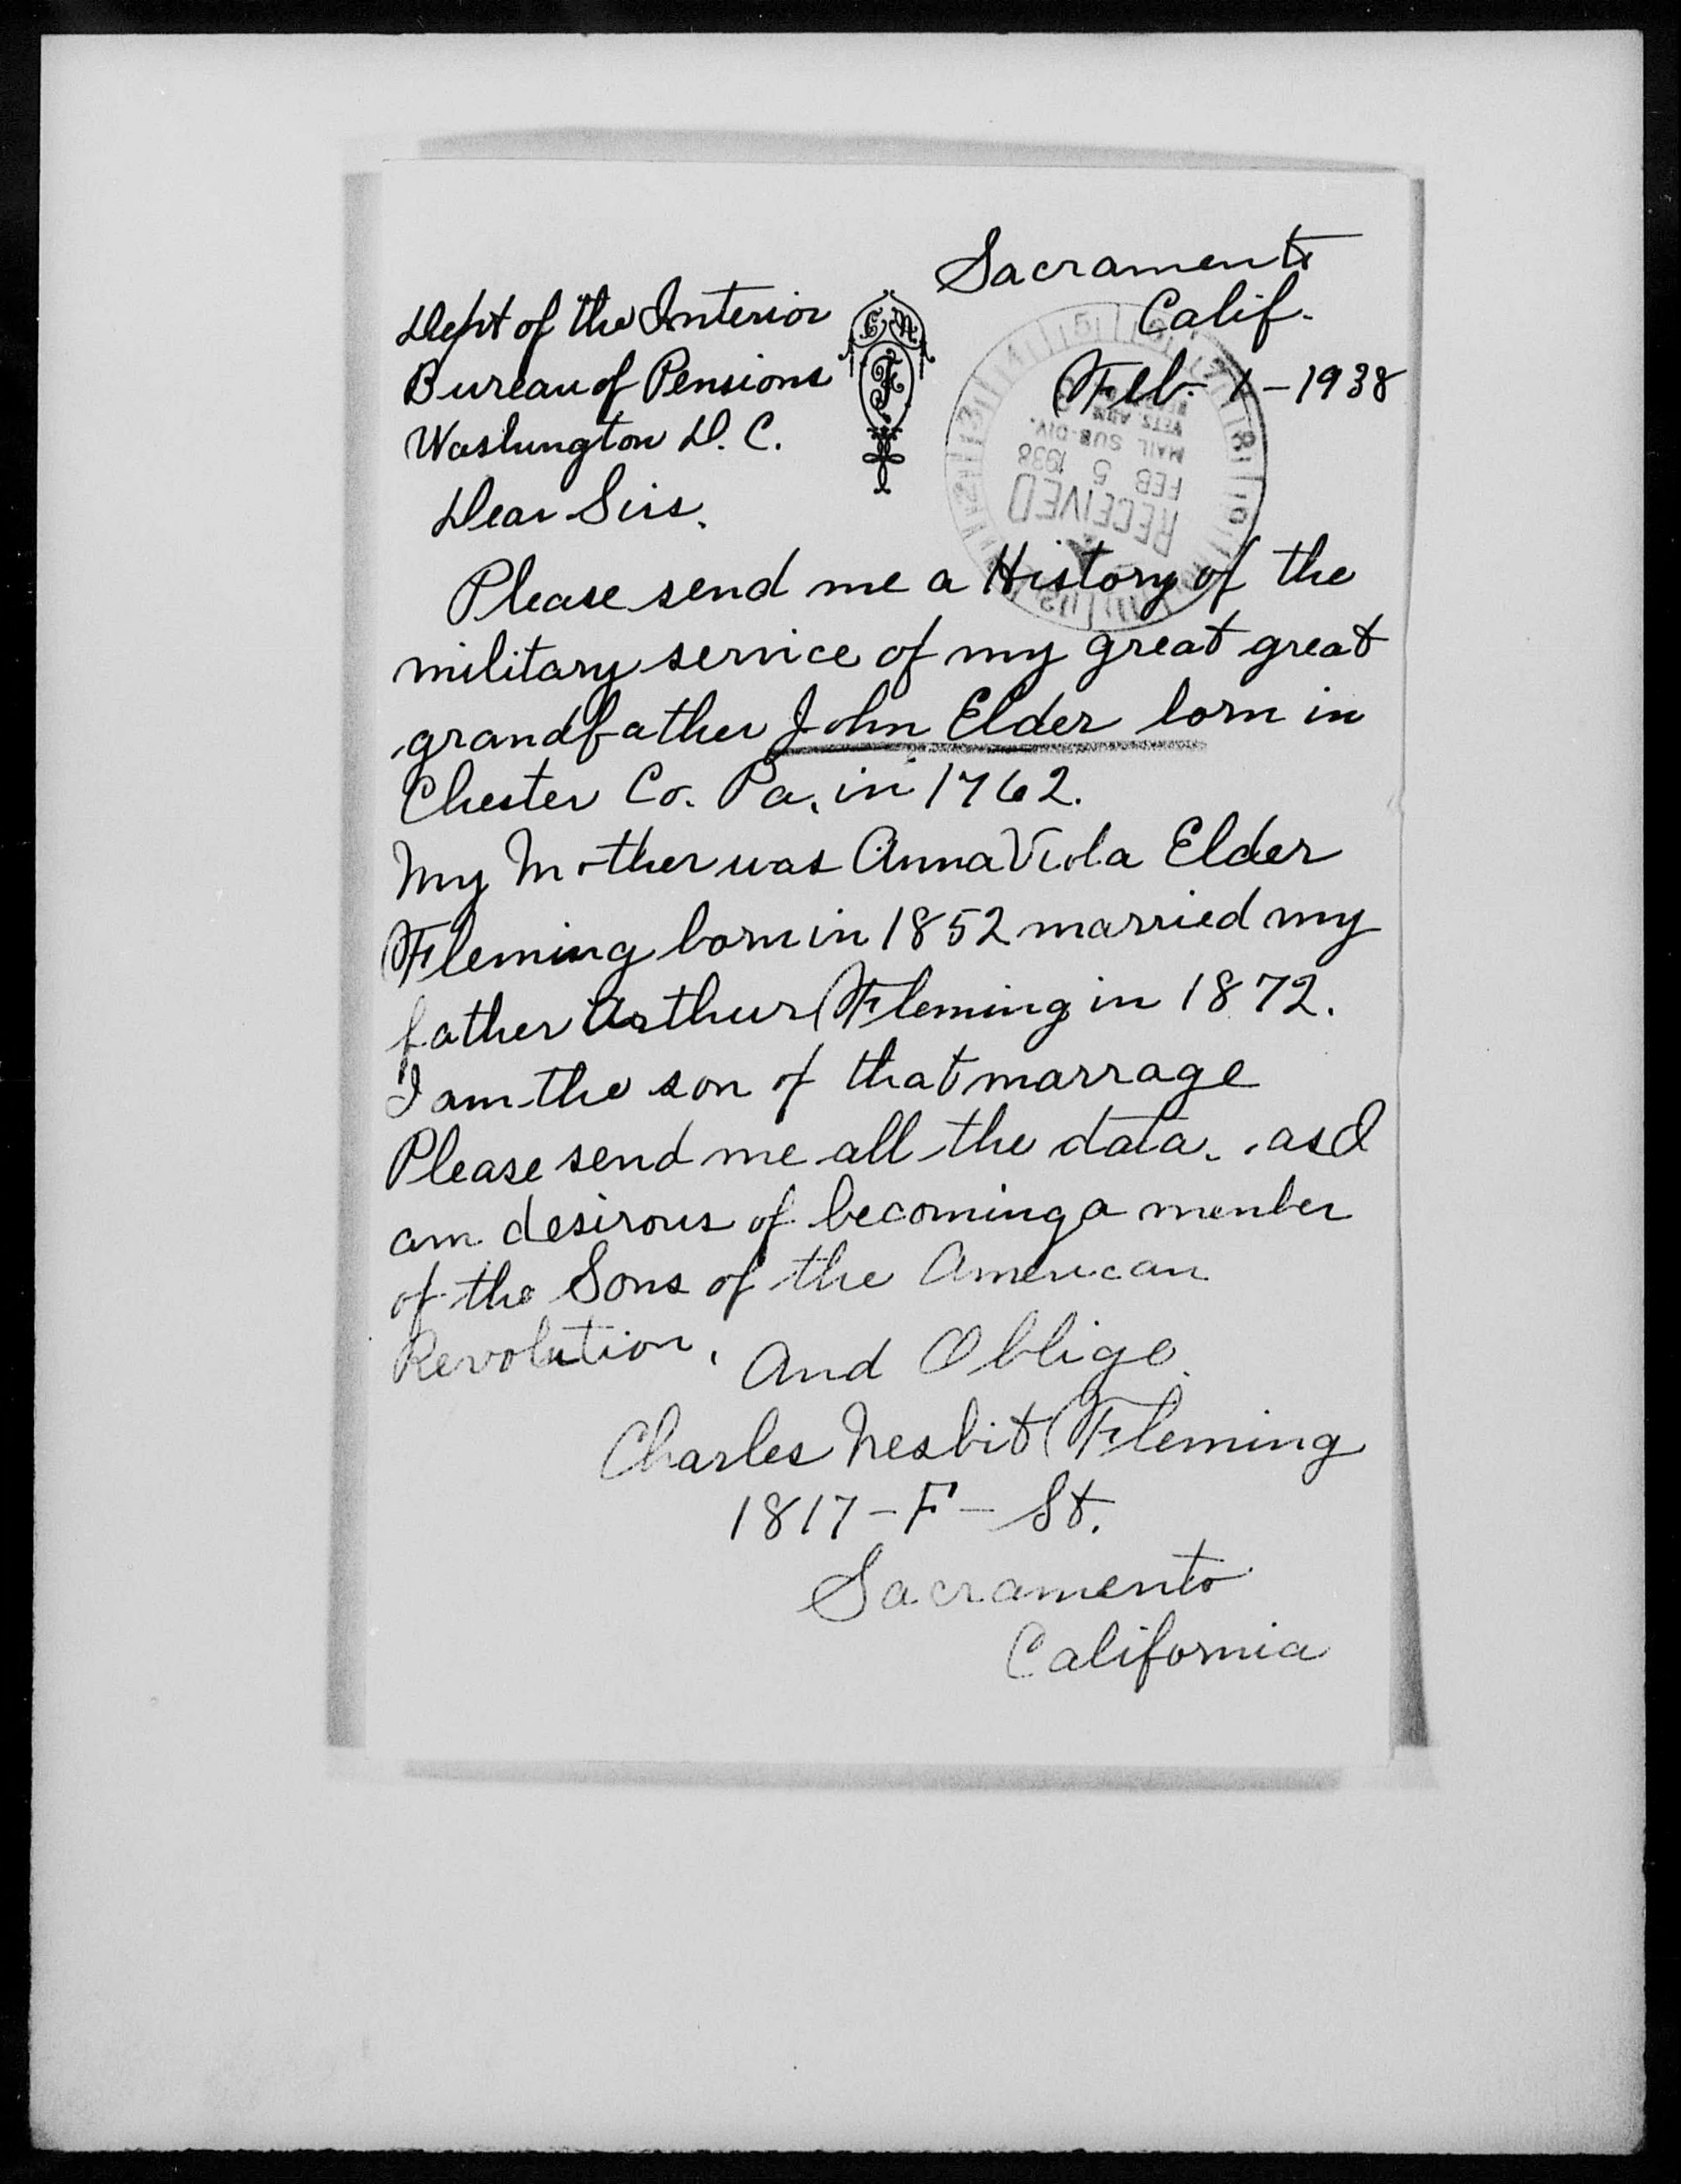Sacramento Calif. Feb 1 - 1938

Dept of the Interior
Bureau of Pensions
Washington D.C.

Dear Sirs, 
Please send me a History of the military service of my great great grandfather John Elder [underlined] born in Chester Co. Pa in 1762. My mother was Anna Viola Elder Fleming born in 1852 married my father Arthur Fleming in 1872. I am the son of that marrage Please send me all the data, as I am desirous of becoming a member of the Sons of the American Revolution, And Oblige, Charles Nesbit Fleming 1817 - F - St. Sacramento California

[Stamp reading - Received Feb 5 1938 MAIL SUB DIV. VETS (illegible) 3]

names: John Elder, Anna Viola Elder Fleming, Charles Nesbit Fleming, Arthur Fleming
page: 67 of 80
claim: widow's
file: W. 24117, John Elder, Penn.